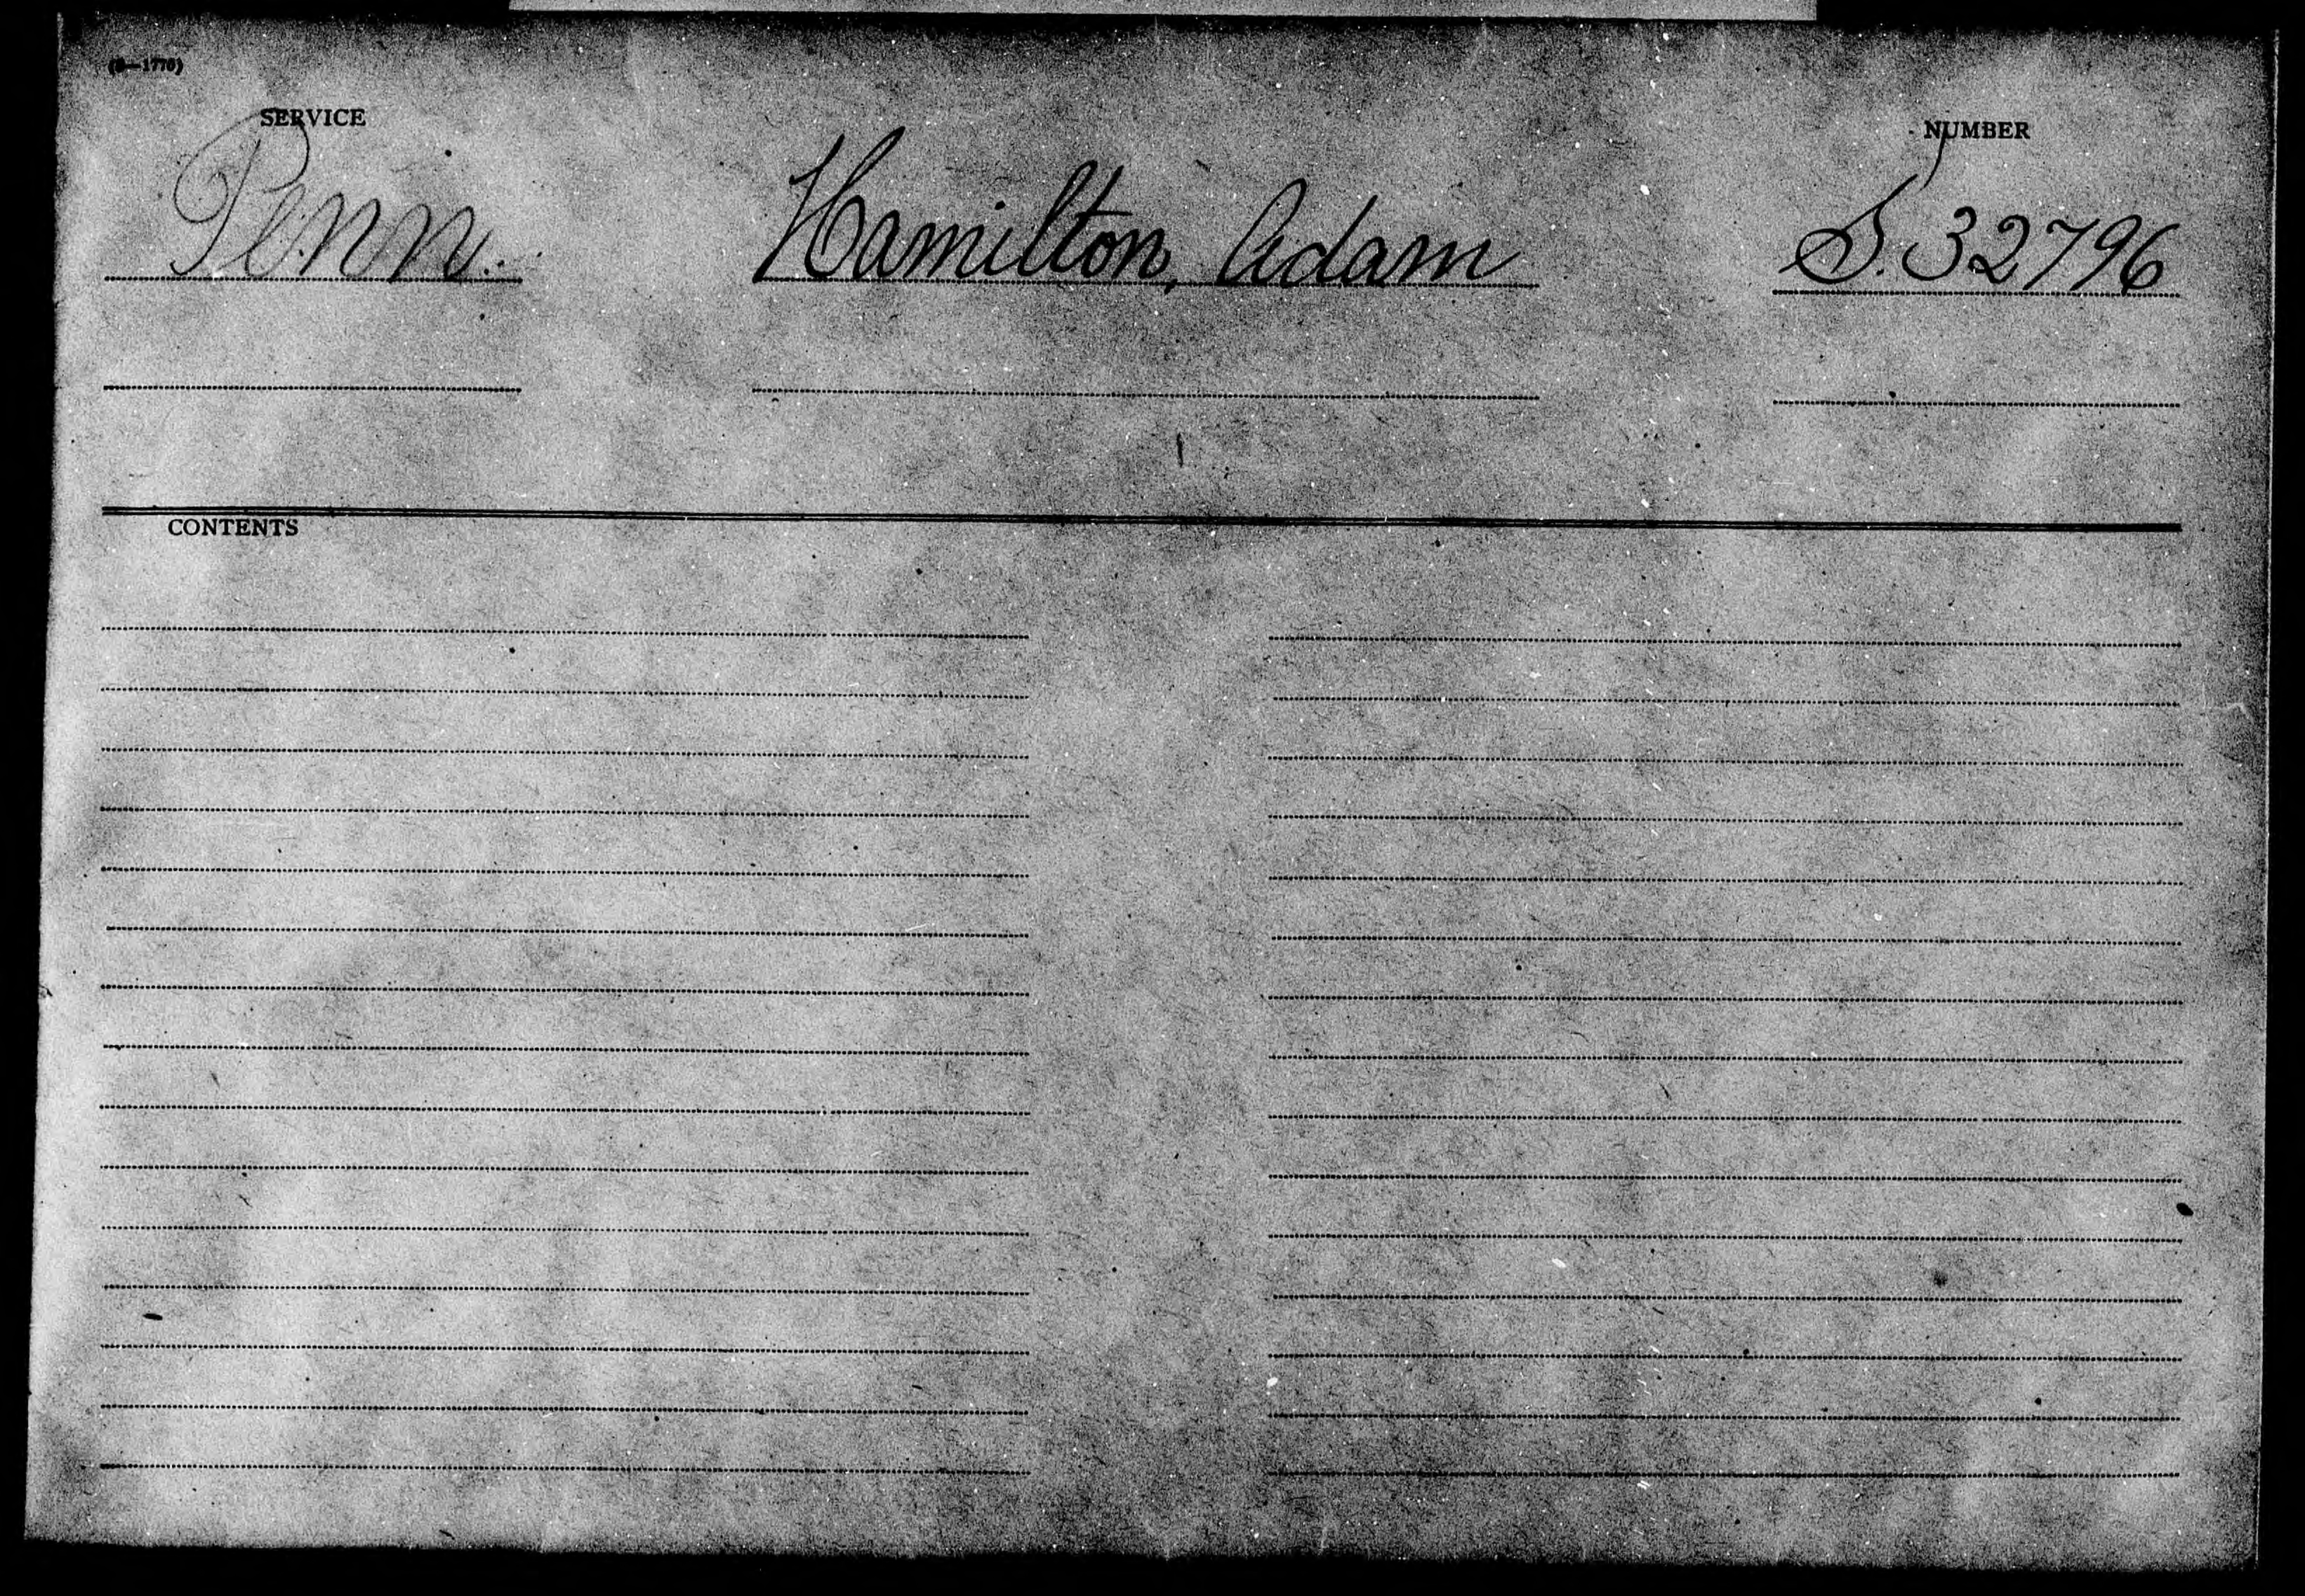SERVICE                                      NUMBER
Penn.            Hamilton, Adam     S.32796
============================ 
Contents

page: 1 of 12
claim: survivor's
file: S. 32796, Adam Hamilton, Penn.